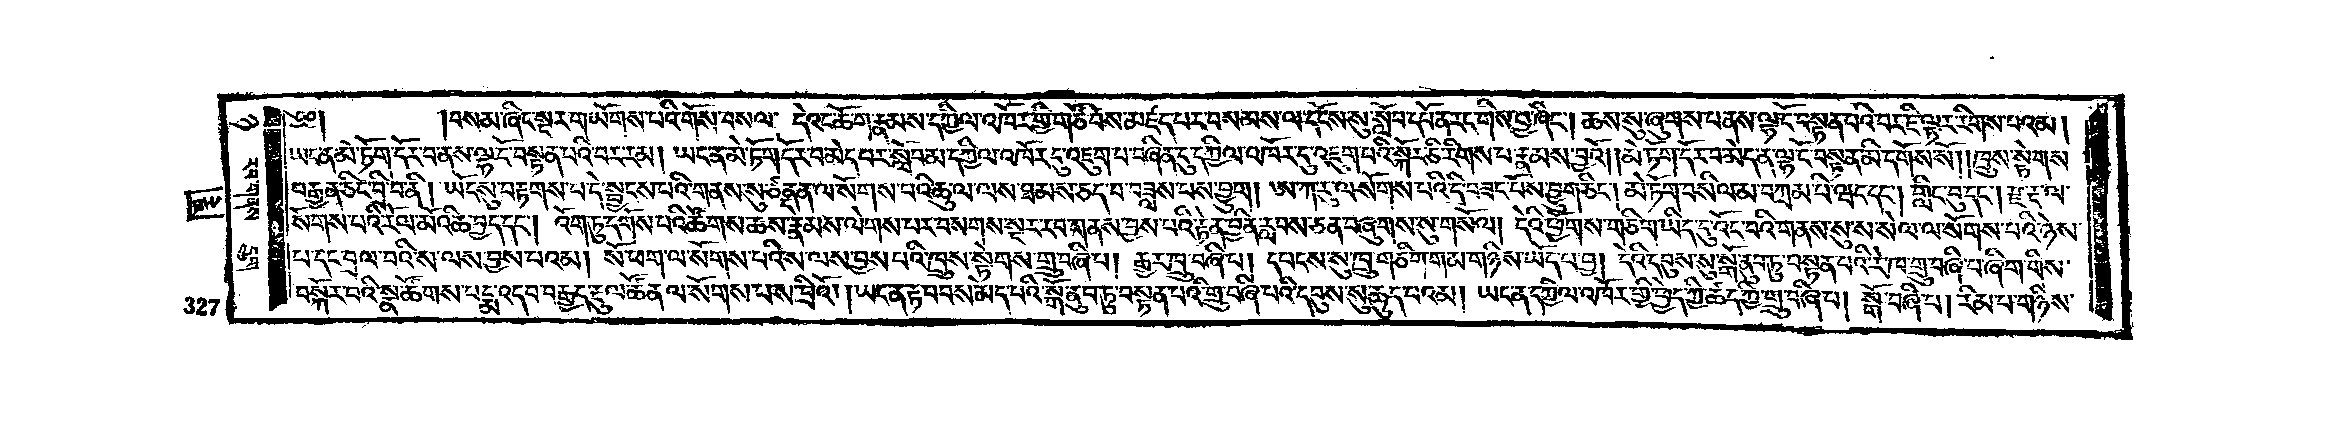༄༅། །བསམ་ཞིང་སྔར་གཡོགས་པའི་གོས་བསལ། དེའང་ཆོ་ག་རྣམས་དཀྱིལ་འཁོར་གྱི་གཙོ་བོས་མཛད་པར་བསམས་ལ་དངོས་སུ་སློབ་དཔོན་རང་གིས་བྱ་ཞིང་། ཆས་སུ་ཞུགས་པ་ནས་ལྷ་ངོ་བསྟན་པའི་བར་ཇི་ལྟར་རིགས་པའམ།
ཡང་ན་མེ་ཏོག་དོར་བ་ནས་ལྷ་ངོ་བསྟན་པའི་བར་རམ། ཡང་ན་མེ་ཏོག་དོར་བ་མེད་པར་སློབ་མ་དཀྱིལ་འཁོར་དུ་འཇུག་པ་བཞིན་དུ་དཀྱིལ་འཁོར་དུ་འཇུག་པའི་སྐོར་ཅི་རིགས་པ་རྣམས་བྱའོ། །མེ་ཏོག་དོར་བ་མེད་ན་ལྷ་ངོ་བསྟན་མི་དགོས་སོ། །ཁྲུས་སྟེགས་
བརྒྱན་ཅིང་བྲི་བ་ནི། ཡོངས་སུ་བརྟགས་པ་དེ་སྦྱངས་པའི་གནས་སུ་ཙནྡན་ལ་སོགས་པའི་ཆུ་ལ་ལས་ཐམས་ཅད་པ་བཟླས་པས་བྱུག །ཨ་ཀ་རུ་ལ་སོགས་པའི་དྲི་བཟང་པོས་བྱུག་ཅིང་། མེ་ཏོག་བསིལ་མ་བཀྲམ་པི་ཝང་དང་། གླིང་བུ་དང་། རྫ་རྔ་ལ་
སོགས་པའི་རོལ་མོའི་ཆ་བྱད་དང་། འོག་ཏུ་དགོས་པའི་ཚོགས་ཆས་རྣམས་ལེགས་པར་བསགས་སྔར་རབ་གནས་བྱས་པའི་རྟེན་བྱིན་རླབས་ཅན་བཞུགས་སུ་གསོལ། དེའི་ཕྱོགས་གཅིག་ཡིད་དུ་འོང་བའི་གནས་སུ་ས་སེལ་ལ་སོགས་པའི་ཉེས་
པ་དང་བྲལ་བའི་ས་ལས་བྱས་པའམ། སོ་ཕག་ལ་སོགས་པའི་ས་ལས་བྱས་པའི་ཁྲུས་སྟེགས་གྲུ་བཞི་པ། རྒྱར་ཁྲུ་བཞི་པ། དཔངས་སུ་ཁྲུ་གཅིག་གམ་གཉིས་ཡོད་པ་བྱ། དེའི་དབུས་སུ་སྒོ་ནུབ་ཏུ་བསྟན་པའི་རེ་ཁ་གྲུ་བཞི་པ་ཞིག་གིས་
བསྐོར་བའི་སྣ་ཚོགས་པདམ་འདབ་བརྒྱད་རྡུལ་ཚོན་ལ་སོགས་པས་བྲིའོ། །ཡང་ན་རྟ་བབས་མེད་པའི་སྒོ་ནུབ་ཏུ་བསྟན་པའི་གྲུ་བཞི་པའི་དབུས་སུ་ཆུད་པའམ། ཡང་ན་དཀྱིལ་འཁོར་གྱི་ཕྱེད་ཀྱི་ཚད་ཀྱི་གྲུ་བཞི་པ། སྒོ་བཞི་པ། རིམ་པ་གཉིས་